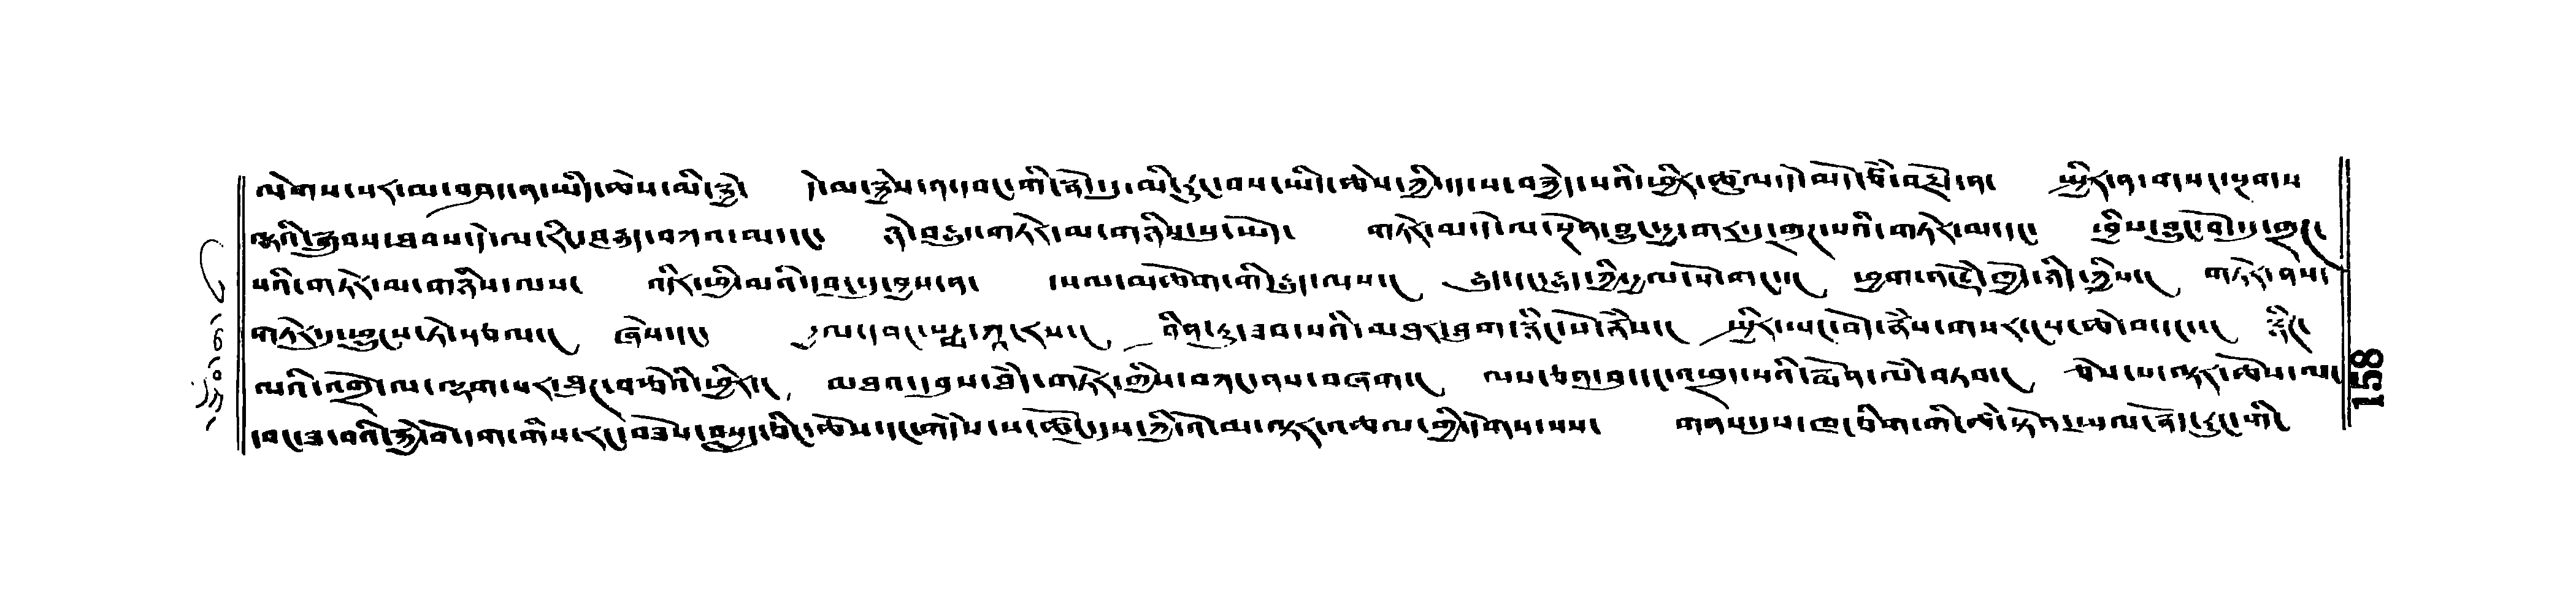ལེགས་པར་མ་བཤད་ན་ཡིད་ཆེས་མི་སྐྱེ། དེ་མ་སྐྱེས་ན་དབང་གི་སྣོད་དུ་མི་རུང་བས་ཡིད་ཆེས་ཀྱི་དད་པ་བསྐྱེད་པའི་ཕྱིར་ཚུལ་དེ་མདོ་ཙམ་བརྗོད་ན། སྤྱིར་ན་གསང་སྔགས་
ལྷའི་སྒྲུབས་ཐབས་དེ་ལ་རིང་བརྒྱུད་བཀའ་མ་དང་། ཉེ་བརྒྱུད་གཏེར་མ་གཉིས་སུ་ཡོད། གཏེར་མ་དེ་ལ་སྔོན་བྱུང་རྒྱ་གར་དུ་གྲགས་པའི་གཏེར་མ་དང་། ཕྱིས་བྱུང་བོད་དུ་གྲགས་
པའི་གཏེར་མ་གཉིས་ལས། འདིར་ཕྱི་མའི་དབང་དུ་བྱས་ན། དཔལ་མཆོག་གི་རྒྱུད་ལ། རྒྱུད་དང་རྒྱུད་ཀྱི་རྒྱལ་པོ་གང་། །ཕྱག་ན་རྡོ་རྗེ་ཁྱོད་ཉིད་ཀྱིས། གཏེར་ནས་
གཏེར་དུ་ཕྱུངས་ཏེ་བསྩལ། ཅེས་དང་། རྒྱལ་དབང་པདྨ་ཀཱ་རས། ཤིན་ཏུ་ཟབ་པའི་མཐར་ཐུག་སྙིང་པོ་རྣམས༔ སྤྱིར་ཡང་བོད་རྣམས་གསར་ངས་ཆེ་བ་དང༔ སྙིགས་
མའི་འགྲོ་ལ་ལྷག་པར་ཐུགས་བརྩེའི་ཕྱིར༔ མཐའ་དབུས་ཐམས་ཅད་གཏེར་གྱིས་བཀང་ནས་བཞག༔ ལས་ཅན་བུ་དང་འཕྲད་པའི་སྨོན་ལམ་བཏབ༔ ཅེས་པ་ལྟར་ཆོས་ལ་
དབང་ཟ་བའི་སྐྱེ་བོ་དག་གིས་རང་བཟོས་བསླད་ཅིང་ཆོས་དང་གདམས་པ་ཚོང་དུས་ཀྱི་འོ་མ་ལྟར་འཆལ་གྱི་དོགས་པས།གནས་དུས་ཁ་ཅིག་གི་ཚེ་སྟོན་ཡུལ་སྣོད་རུང་གི་